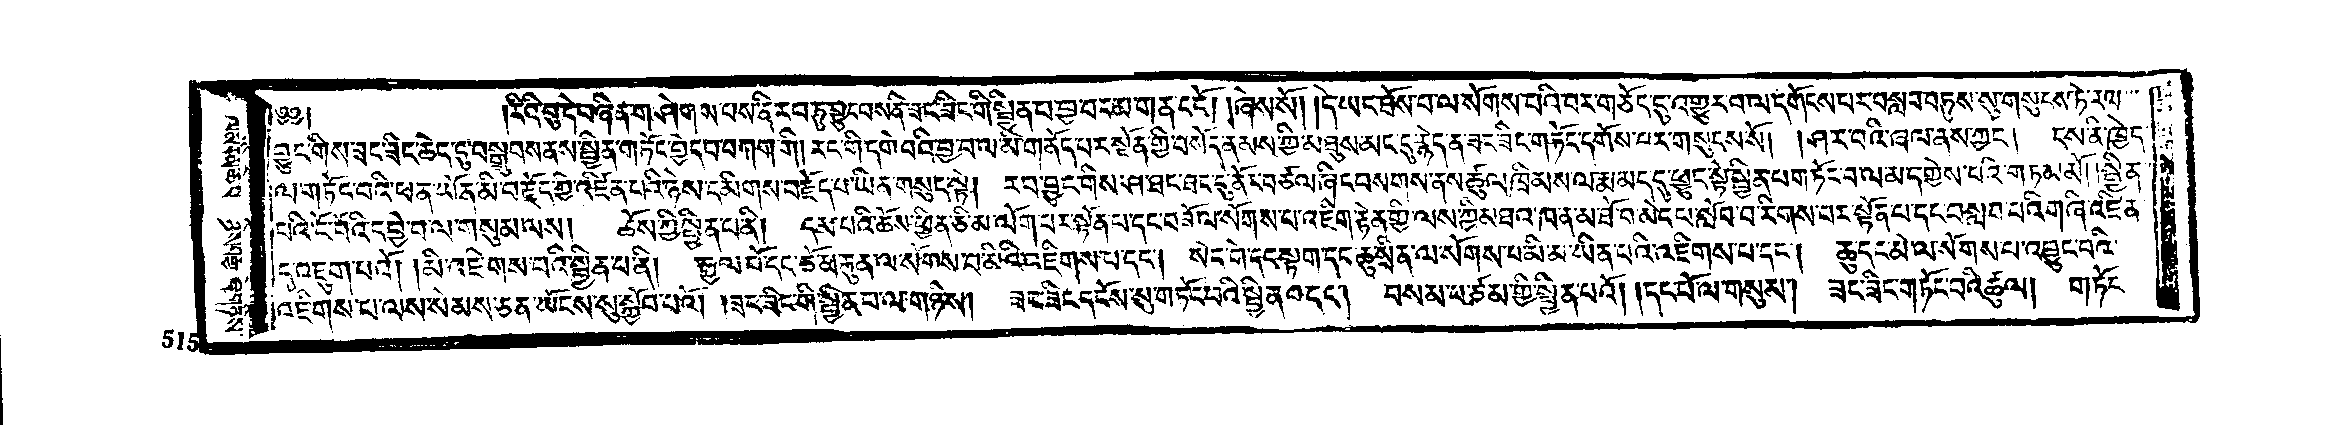༄༅། །རིའི་བུ་དེ་བཞིན་གཤེགས་པས་ནི་རབ་ཏུ་བྱུང་བས་ནི་ཟང་ཟིང་གི་སྦྱིན་པ་བྱ་བར་མ་གནང་ངོ། །ཞེས་སོ། །དེ་ཡང་ཐོས་པ་ལ་སོགས་པའི་བར་གཅོད་དུ་འགྱུར་བ་ལ་དགོངས་པར་བསླབ་བཏུས་སུ་གསུངས་ཏེ་རབ་
བྱུང་གིས་ཟང་ཟིང་ཆེད་དུ་བསྒྲུབས་ནས་སྦྱིན་གཏོང་བྱེད་པ་བཀག་གི། རང་གི་དགེ་བའི་བྱ་བ་ལ་མི་གནོད་པར་སྔོན་གྱི་བསོད་ནམས་ཀྱི་མཐུས་མང་དུ་རྙེད་ན་ཟང་ཟིང་གཏོང་དགོས་པར་གསུངས་སོ། །ཤར་བའི་ཞལ་ནས་ཀྱང་། ངས་ནི་ཁྱེད་
ལ་གཏོང་བའི་ཕན་ཡོན་མི་བརྗོད་ཀྱི་འཛིན་པའི་ཉེས་དམིགས་བརྗོད་པ་ཡིན་གསུང་སྟེ། རབ་བྱུང་གིས་ཤ་ཐང་ཐང་དུ་ནོར་བཙལ་ཞིང་བསགས་ནས་ཚུལ་ཁྲིམས་ལ་རྨ་མང་དུ་ཕྱུང་སྟེ་སྦྱིན་པ་གཏོང་བ་ལ་མ་དགྱེས་པའི་གཏམ་མོ། །སྦྱིན་
པའི་ངོ་བོའི་དབྱེ་བ་ལ་གསུམ་ལས། ཆོས་ཀྱི་སྦྱིན་པ་ནི། དམ་པའི་ཆོས་ཕྱིན་ཅི་མ་ལོག་པར་སྟོན་པ་དང་བཟོ་ལ་སོགས་པ་འཇིག་རྟེན་གྱི་ལས་ཀྱི་མཐའ་ཁ་ན་མ་ཐོ་བ་མེད་པ་སློབ་པ་རིགས་པར་སྟོན་པ་དང་བསླབ་པའི་གཞི་འཛིན་
དུ་འཇུག་པའོ། །མི་འཇིགས་པའི་སྦྱིན་པ་ནི། རྒྱལ་པོ་དང་ཆོམ་རྐུན་ལ་སོགས་པ་མིའི་འཇིགས་པ་དང་། སེང་གེ་དང་སྟག་དང་ཆུ་སྲིན་ལ་སོགས་པ་མི་མ་ཡིན་པའི་འཇིགས་པ་དང་། ཆུ་དང་མེ་ལ་སོགས་པ་འབྱུང་བའི་
འཇིགས་པ་ལས་སེམས་ཅན་ཡོངས་སུ་སྐྱོབ་པའོ། །ཟང་ཟིང་གི་སྦྱིན་པ་ལ་གཉིས། ཟང་ཟིང་དངོས་སུ་གཏོང་བའི་སྦྱིན་པ་དང་། བསམ་པ་ཙམ་གྱི་སྦྱིན་པའོ། །དང་པོ་ལ་གསུམ། ཟང་ཟིང་གཏོང་བའི་ཚུལ། གཏོང་